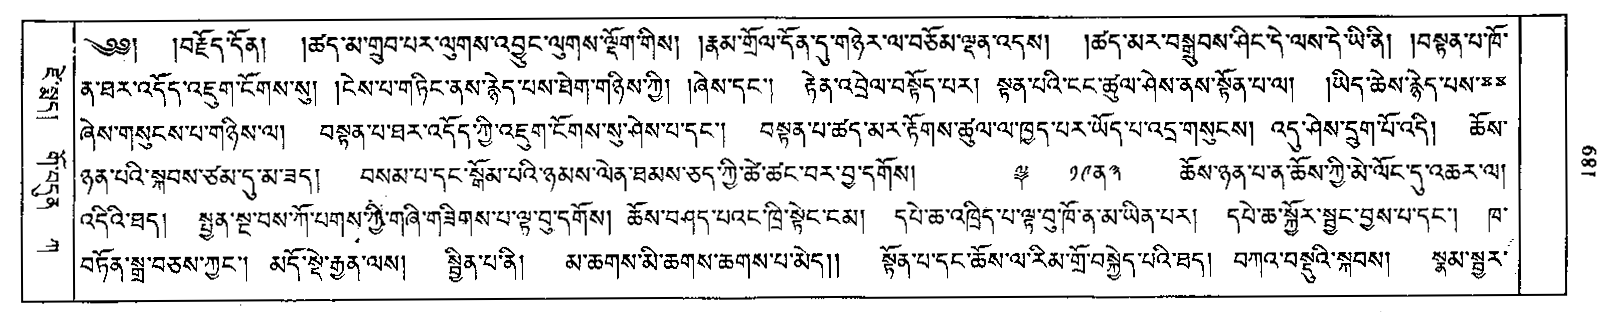༄༅། །བརྗོད་དོན། །ཚད་མ་གྲུབ་པར་ལུགས་འབྱུང་ལུགས་ལྡོག་གིས། །རྣམ་གྲོལ་དོན་དུ་གཉེར་ལ་བཅོམ་ལྡན་འདས། །ཚད་མར་བསྒྲུབས་ཤིང་དེ་ལས་དེ་ཡི་ནི། །བསྟན་པ་ཁོ་
ན་ཐར་འདོད་འཇུག་ངོགས་སུ། །ངེས་པ་གཏིང་ནས་རྙེད་པས་ཐེག་གཉིས་ཀྱི། །ཞེས་དང་། རྟེན་འབྲེལ་བསྟོད་པར། སྟན་པའི་ངང་ཚུལ་ཤེས་ནས་སྟོན་པ་ལ། །ཡིད་ཆེས་རྙེད་པས་
ཞེས་གསུངས་པ་གཉིས་ལ། བསྟན་པ་ཐར་འདོད་ཀྱི་འཇུག་ངོགས་སུ་ཤེས་པ་དང་། བསྟན་པ་ཚད་མར་རྟོགས་ཚུལ་ལ་ཁྱད་པར་ཡོད་པ་འདྲ་གསུངས། འདུ་ཤེས་དྲུག་པོ་འདི། ཆོས་
ཉན་པའི་སྐབས་ཙམ་དུ་མ་ཟད། བསམ་པ་དང་སྒོམ་པའི་ཉམས་ལེན་ཐམས་ཅད་ཀྱི་ཚེ་ཚང་བར་བྱ་དགོས། ༈ ༡༩་ན ༣་ཆོས་ཉན་པ་ན་ཆོས་ཀྱི་མེ་ལོང་དུ་འཆར་ལ།
འདིའི་ཐད། སྤྱན་སྔ་བས་ཀོ་པགས་ཀྱི་གཞི་གཟིགས་པ་ལྟ་བུ་དགོས། ཆོས་བཤད་པའང་ཁྲི་སྟེང་ངམ། དཔེ་ཆ་འཁྲིད་པ་ལྟ་བུ་ཁོ་ན་མ་ཡིན་པར། དཔེ་ཆ་སྐྱོར་སྦྱང་བྱས་པ་དང་། ཁ་
བཏོན་སྒྲ་བཅས་ཀྱང་། མདོ་སྡེ་རྒྱན་ལས། སྦྱིན་པ་ནི། མ་ཆགས་མི་ཆགས་ཆགས་པ་མེད།། སྟོན་པ་དང་ཆོས་ལ་རིམ་གྲོ་བསྐྱེད་པའི་ཐད། བཀའ་བསྡུའི་སྐབས། སྣམ་སྦྱར་